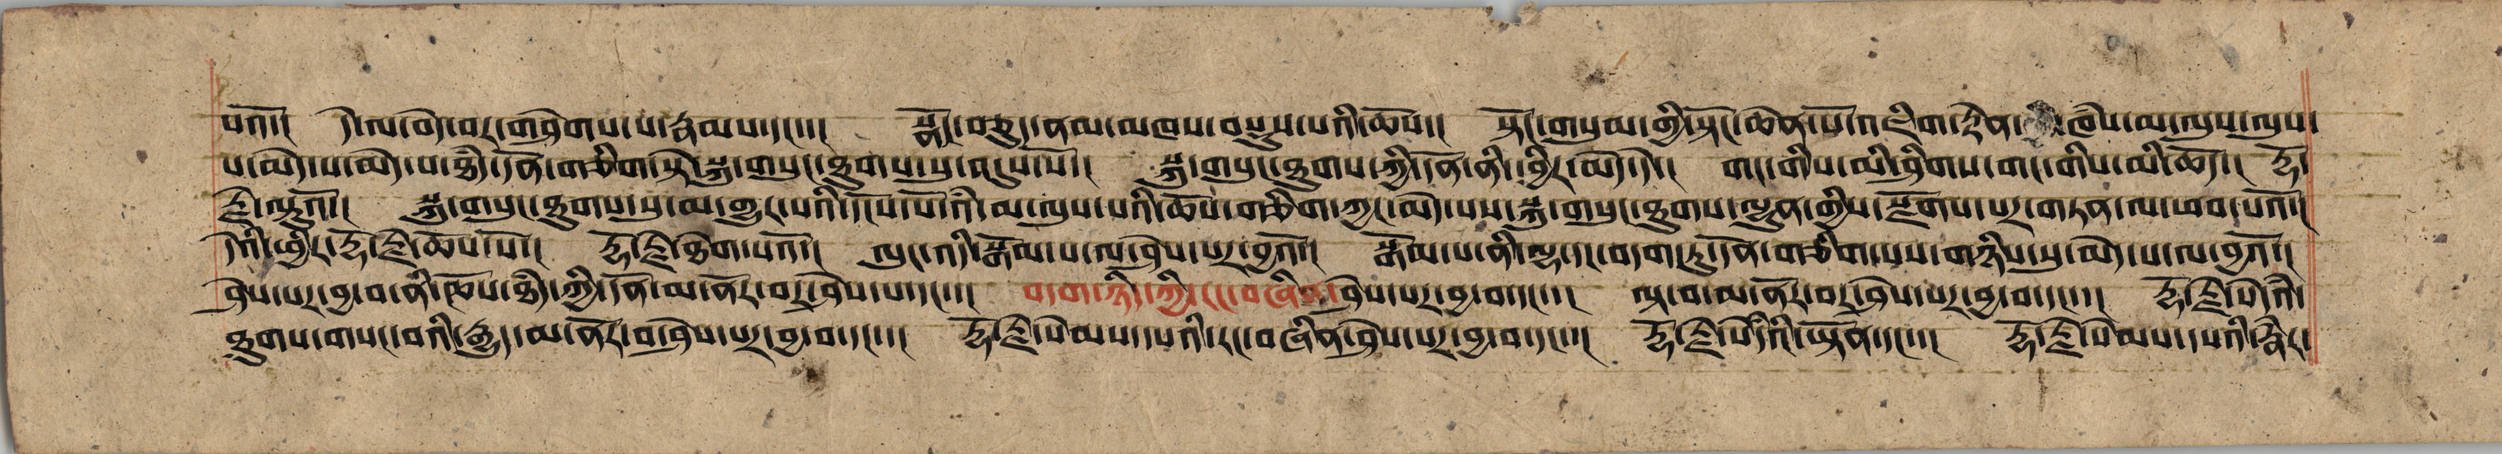པའོ་། དེ་ལ་བདེ་བར་གཤེགས་པ་རྣམས་དང་་། སྣོད་བཅུད་ནམ་མཁས་བསྡུས་པའི་ཆོས་། སྟོང་གསུམ་གྱི་སྟོང་ཆེན་པོ་འཇིག་རྟེན་གྱི་ཁཾས་མ་ལུས་ལུས་
པ་མེད་པ་མེད་པ་ཐཾད་དོན་གཅིག་སྟེ་སྐུ་གསུང་ཐུགས་སུ་འདུས་སོ་། སྐུ་གསུང་ཐུགས་ཀྱི་དོན་ནི་དབྱིར་མེད་དེ་། གང་གིས་མི་ཤིགས་གང་གིས་མི་ཆོད་། རྡོ་
རྗེ་ལྟུའོ་། སྐུ་གསུང་ཐུགས་སུ་མ་གྱུར་པའི་དངོས་པོ་འཾ་མ་ལུས་པའི་ཆོས་གཅིག་ཀྱང་མེད་པས་སྐུ་གསུང་ཐུགས་ལྷུན་གྱིས་སྫོགས་པར་གཏན་ལ་ཕབ་པའོ་།
དེའི་ཕྱིར་རྡོ་རྗེ་ཆོས་སོ་། རྡོ་རྗེ་ཐེག་པའོ་། ལུང་འདི་སྒོམ་པ་ལ་ཤེས་པར་བྱའོ་། སྒོམ་པ་ནི་ལྷ་དང་བདག་ཏུ་དོན་གཅིག་པས་གཉིས་སུ་མེད་པ་ལ་བྱའོ་།
ཤེས་པར་བྱ་བ་ནི་ཆོས་ཐཾད་ཀྱི་དོན་མ་ནོར་བར་ཤེས་པ་དང་་། བདག་ཉིད་ཀྱི་རང་བཞིན་ཤེས་པར་བྱ་བ་དང་་། ལྟ་བ་མ་ནོར་བར་ཤེས་པར་བྱ་བ་དང་་། རྡོ་རྗེ་སེདཾའ་
ཐུགས་གསང་བའི་རྒྱུད་མ་ནོར་བ་ཤེས་པར་བྱ་བ་དང་་། རྡོ་རྗེ་སེམས་དཔའི་རང་བཞིན་ཤེས་པར་བྱ་བ་དང་་། རྡོ་རྗེ་སེདཾའ་ཡྟོན་དང་་། རྡོ་རྗེ་སེམས་དཔའི་རྣཾར་